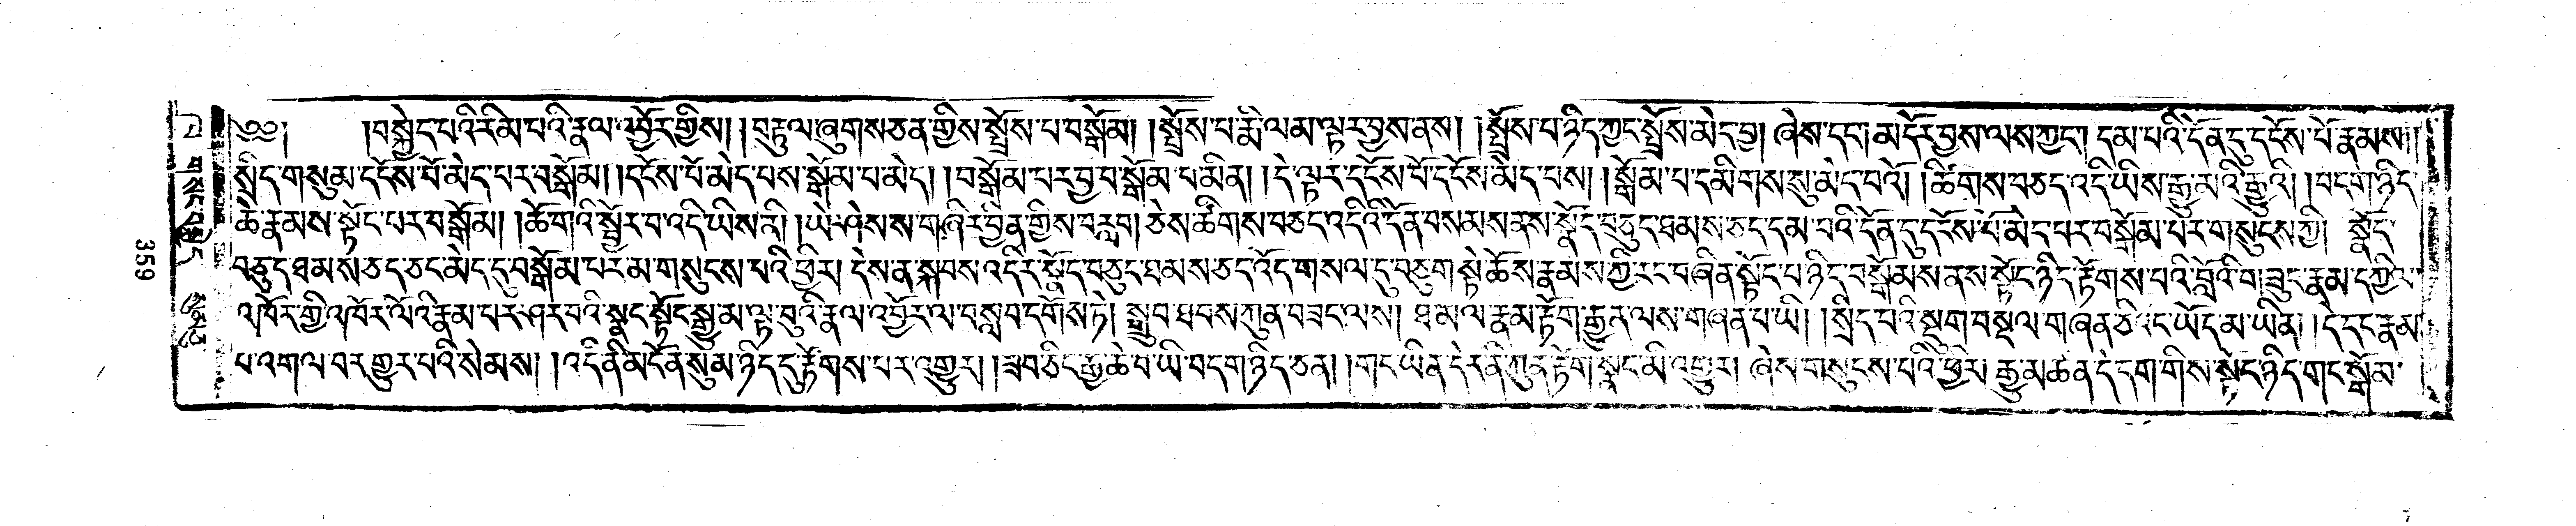༄༅། །བསྐྱེད་པའི་རིམ་པའི་རྣལ་འབྱོར་གྱིས། །བརྟུལ་ཞུགས་ཅན་གྱིས་སྤྲོས་བ་བསྒོམ། །སྤྲོས་པ་རྨི་ལམ་ལྟར་བྱས་ནས། །སྤྲོས་པ་ཉིད་ཀྱང་སྤྲོས་མེད་བྱ། ཞེས་དང་། མདོར་བྱས་ལས་ཀྱང་། དམ་པའི་དོན་དུ་དངོས་པོ་རྣམས།
སྲིད་གསུམ་དངོས་པོ་མེད་པར་བསྒོམ། །དངོས་པོ་མེད་པས་སྒོམ་པ་མེད། །བསྒོམ་པར་བྱ་བ་སྒོམ་པ་མིན། །དེ་ལྟར་དངོས་པོ་དངོས་མེད་པས། །སྒོམ་པ་དམིགས་སུ་མེད་པའོ། །ཚིགས་བཅད་འདི་ཡིས་རྒྱུ་མའི་རྒྱུའི། །བདག་ཉིད་
ཆེ་རྣམས་སྟོང་པར་བསྒོམ། །ཆོ་གའི་སྦྱོར་བ་འདི་ཡིས་ནི། །ཡེ་ཤེས་ས་གཞིར་བྱིན་གྱིས་བརླབ། ཅེས་ཚིགས་བཅད་འདིའི་དོན་བསམས་ནས་སྣོད་བཅུད་ཐམས་ཅད་དམ་པའི་དོན་དུ་དངོས་པོ་མེད་པར་བསྒོམ་པར་གསུངས་ཀྱི། སྣོད་
བཅུད་ཐམས་ཅད་ཅང་མེད་དུ་བསྒོམ་པར་མ་གསུངས་པའི་ཕྱིར། དེས་ན་སྐབས་འདིར་སྣོད་བཅུད་ཐམས་ཅད་འོད་གསལ་དུ་བཅུག་སྟེ་ཆོས་རྣམས་ཀྱི་རང་བཞིན་སྟོང་པ་ཉིད་བསྒོམས་ནས་སྟོང་ཉིད་རྟོགས་པའི་བློའི་གཟུང་རྣམ་དཀྱིལ་
འཁོར་གྱི་འཁོར་ལོའི་རྣམ་པར་ཤར་བའི་སྣང་སྟོང་སྒྱུ་མ་ལྟ་བུའི་རྣལ་འབྱོར་ལ་བསླབ་དགོས་ཏེ། སྒྲུབ་ཐབས་ཀུན་བཟང་ལས། ཐ་མལ་རྣམ་རྟོག་རྒྱུན་ལས་གཞན་པ་ཡི། །སྲིད་པའི་སྡུག་བསྔལ་གཞན་ཅིའང་ཡོད་མ་ཡིན། །དེ་དང་རྣམ་
པ་འགལ་བར་གྱུར་བའི་སེམས། །འདི་ནི་མངོན་སུམ་ཉིད་དུ་རྟོགས་པར་འགྱུར། །ཟབ་ཅིང་རྒྱ་ཆེ་བ་ཡི་བདག་ཉིད་ཅན། །གར་ཡིན་དེར་ནི་ཀུན་རྟོག་སྣང་མི་འགྱུར། ཞེས་གསུངས་པའི་ཕྱིར། རྒྱུ་མཚན་དེ་དག་གིས་སྟོང་ཉིད་གང་སྒོམ་